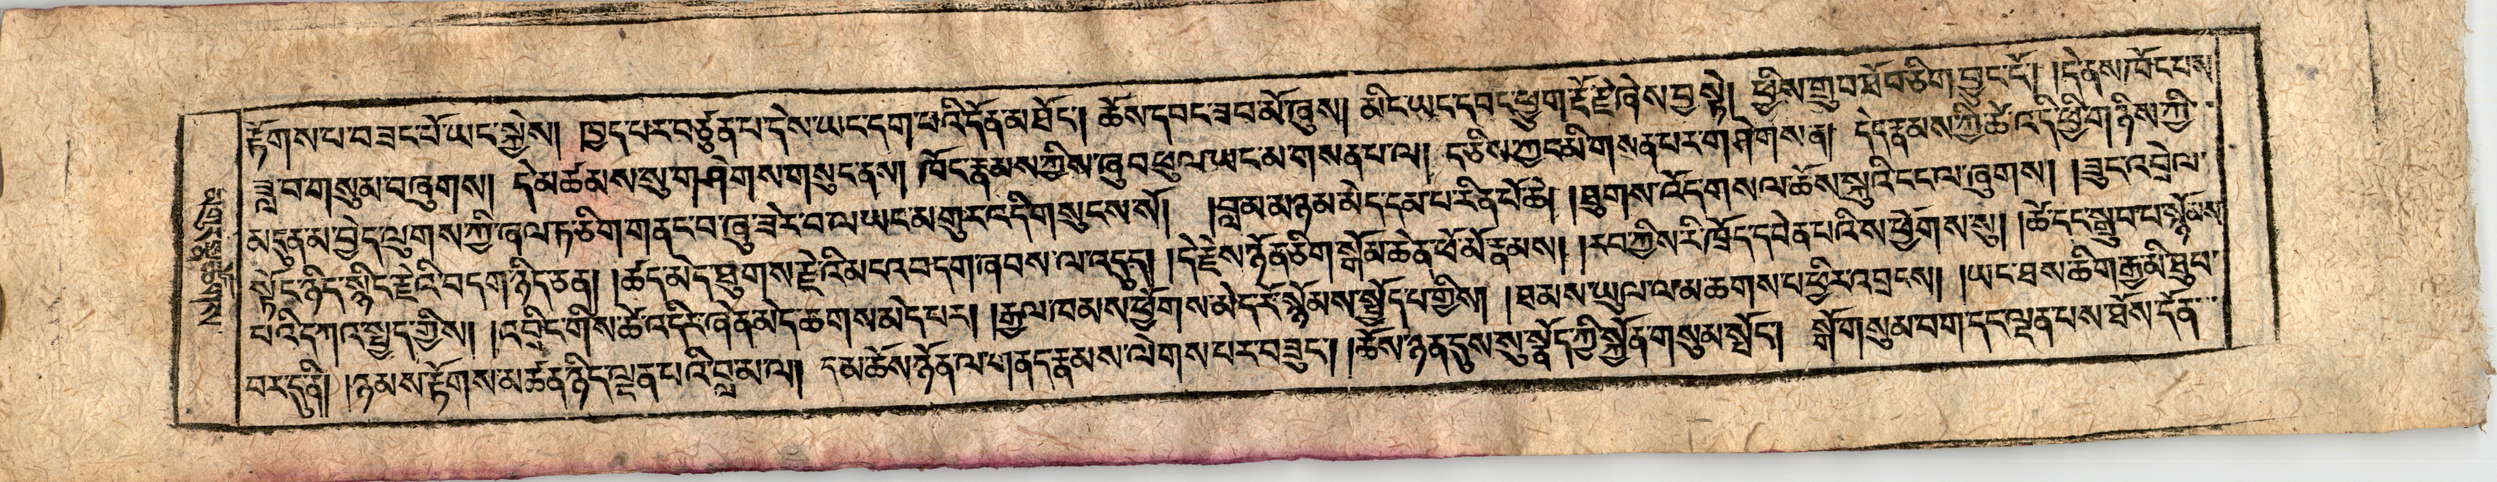རྟོགས་པ་བཟང་པོ་ཡང་སྐྱེས། ཁྱད་པར་བརྩོན་པ་དེས་ཡང་དག་པའི་དོན་མཐོང་། ཆོས་དབང་ཟབ་མོ་ཞུས། མིང་ཡང་དབང་ཕྱུག་རྡོ་རྗེ་ཞེས་བྱ་སྟེ། ཕྱིས་གྲུབ་ཐོབ་ཅིག་བྱུང་ངོ། །དེ་ནས་བོད་པས་
ཟླ་བ་གསུམ་བཞུགས། དེ་མཚམས་སུ་གཤེགས་གསུང་ནས། ཁོང་རྣམས་ཀྱིས་ཞུ་བ་ཕུལ་ཡང་མ་གསན་པ་ལ། ད་ཅིས་ཀྱང་མི་གསན་པར་གཤེགས་ན། ངེད་རྣམས་ཀྱི་ཚེ་འདི་ཕྱི་གཉིས་ཀྱི་
མདུན་མ་བྱེད་ལུགས་ཀྱི་ཞལ་ཏ་ཅིག་གནང་བ་ཞུ་ཟེར་བ་ལ་ཡང་མགུར་འདི་གསུངས་སོ། །བླ་མ་མཉམ་མེད་དམ་པ་རིན་པོ་ཆེ། །ཐུགས་འོད་གསལ་ཆོས་སྐུའི་ངང་ལ་ཞུགས། །ཟུང་འབྲེལ་
སྟོང་ཉིད་སྙིང་རྗེའི་བདག་ཉིད་ཅན། །ཚད་མེད་ཐུགས་རྗེའི་མངའ་བདག་ཞབས་ལ་འདུད། །དེ་རྗེས་ཉོན་ཅིག་སྒོམ་ཆེན་ཕོ་མོ་རྣམས། །རབ་ཀྱིས་རི་ཁྲོད་དབེན་པའི་ས་ཕྱོགས་སུ། །ཚེ་དང་སྒྲུབ་པ་སྙོམས་
པའི་དཀའ་སྤྱད་གྱིས། །འབྲིང་གིས་ཚེ་འདིར་ཞེན་མེད་ཆགས་མེད་པར། །རྒྱལ་ཁམས་ཕྱོགས་མེད་རོ་སྙོམས་སྤྱོད་པ་གྱིས། །ཐ་མས་ཡུལ་ལ་མ་ཆགས་པ་ཕྱིར་འབྲངས། །ཡང་ཐས་ཆིག་རྒྱ་མི་ཐུབ་
བར་དུ་ནི། །ཉམས་རྟོགས་མཚན་ཉིད་ལྡན་པའི་བླ་མ་ལ། དམ་ཆོས་ཉོན་ལ་གནད་རྣམས་ལེགས་པར་བཟུང་། །ཆོས་ཉན་དུས་སུ་སྣོད་ཀྱི་སྐྱོན་གསུམ་སྤོངས། སྒོ་གསུམ་བག་དང་ལྡན་པས་ཐོས་དོན་